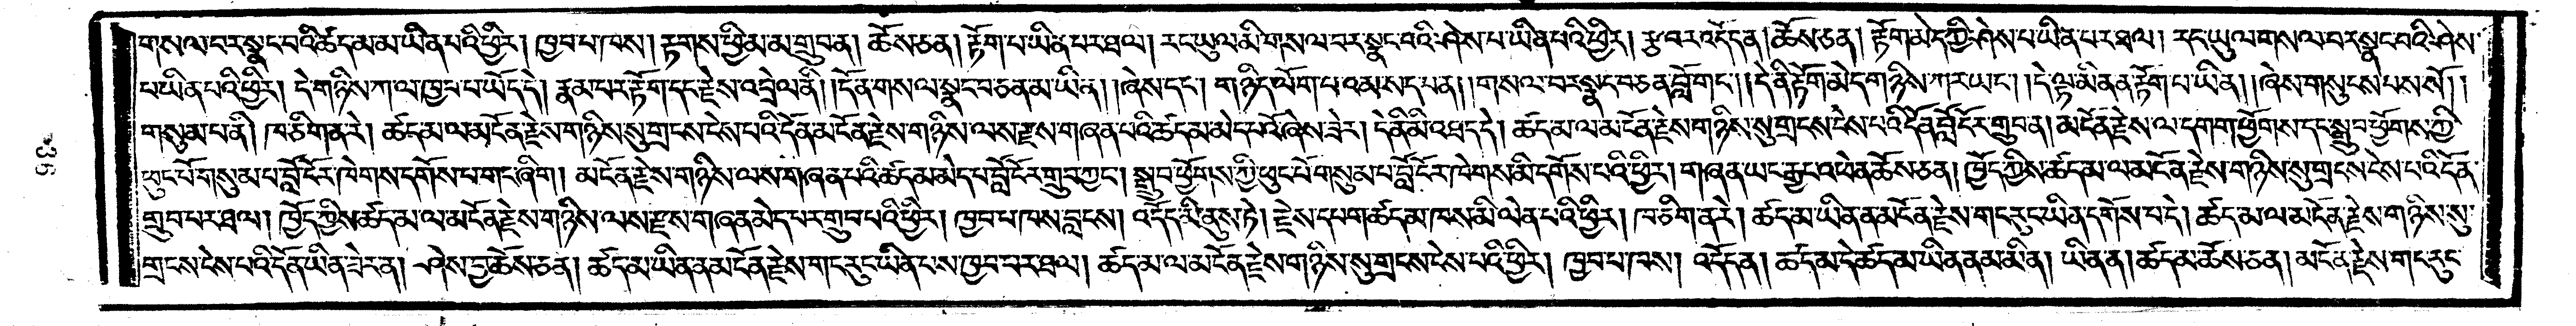གསལ་བར་སྣང་བའི་ཚད་མ་མ་ཡིན་པའི་ཕྱིར། ཁྱབ་པ་ཁས། རྟགས་ཕྱི་མ་མ་གྲུབ་ན། ཆོས་ཅན། རྟོག་པ་ཡིན་པར་ཐལ། རང་ཡུལ་མི་གསལ་བར་སྣང་བའི་ཤེས་པ་ཡིན་པའི་ཕྱིར། རྩ་བར་འདོད་ན། ཆོས་ཅན། རྟོག་མེད་ཀྱི་ཤེས་པ་ཡིན་པར་ཐལ། རང་ཡུལ་གསལ་བར་སྣང་བའི་ཤེས་
པ་ཡིན་པའི་ཕྱིར། དེ་གཉིས་ཀ་ལ་ཁྱབ་པ་ཡོད་དེ། རྣམ་པར་རྟོག་དང་རྗེས་འབྲེལ་ནི། །དོན་གསལ་སྣང་བ་ཅན་མ་ཡིན། །ཞེས་དང་། གཉིད་ལོག་པ་འམ་སད་པ་ན། །གསལ་བར་སྣང་བ་ཅན་བློ་གང་། །དེ་ནི་རྟོག་མེད་གཉིས་ཀར་ཡང་། །དེ་ལྟ་མིན་ན་རྟོག་པ་ཡིན། །ཞེས་གསུངས་པས་སོ། །
གསུམ་པ་ནི། ཁ་ཅིག་ན་རེ། ཚད་མ་ལ་མངོན་རྗེས་གཉིས་སུ་གྲངས་ངེས་པའི་དོན་མངོན་རྗེས་གཉིས་ལས་རྫས་གཞན་པའི་ཚད་མ་མེད་པའོ་ཞེས་ཟེར། དེ་ནི་མི་འཐད་དེ། ཚད་མ་ལ་མངོན་རྗེས་གཉིས་སུ་གྲངས་ངེས་པའི་དོན་བློ་ངོར་གྲུབ་ན། མངོན་རྗེས་ལ་དགག་ཕྱོགས་དང་སྒྲུབ་ཕྱོགས་ཀྱི་
ཕུང་པོ་གསུམ་པ་བློ་ངོར་ཁེགས་དགོས་པ་གང་ཞིག །མངོན་རྗེས་གཉིས་ལས་གཞན་པའི་ཚད་མ་མེད་པ་བློ་ངོར་གྲུབ་ཀྱང་། སྒྲུབ་ཕྱོགས་ཀྱི་ཕུང་པོ་གསུམ་པ་བློ་ངོར་ཁེགས་མི་དགོས་པའི་ཕྱིར། གཞན་ཡང་རྒྱང་འཕེན་ཆོས་ཅན། ཁྱོད་ཀྱིས་ཚད་མ་ལ་མངོན་རྗེས་གཉིས་སུ་གྲངས་ངེས་པའི་དོན་
གྲུབ་པར་ཐལ། ཁྱོད་ཀྱིས་ཚད་མ་ལ་མངོན་རྗེས་གཉིས་ལས་རྫས་གཞན་མེད་པར་གྲུབ་པའི་ཕྱིར། ཁྱབ་པ་ཁས་བླངས། འདོད་མི་ནུས་ཏེ། རྗེས་དཔག་ཚད་མ་ཁས་མི་ལེན་པའི་ཕྱིར། ཁ་ཅིག་ན་རེ། ཚད་མ་ཡིན་ན་མངོན་རྗེས་གང་རུང་ཡིན་དགོས་པ་དེ། ཚད་མ་ལ་མངོན་རྗེས་གཉིས་སུ་
གྲངས་ངེས་པའི་དོན་ཡིན་ཟེར་ན། ཤེས་བྱ་ཆོས་ཅན། ཚད་མ་ཡིན་ན་མངོན་རྗེས་གང་རུང་ཡིན་པས་ཁྱབ་པར་ཐལ། ཚད་མ་ལ་མངོན་རྗེས་གཉིས་སུ་གྲངས་ངེས་པའི་ཕྱིར། ཁྱབ་པ་ཁས། འདོད་ན། ཚད་མེད་ཚད་མ་ཡིན་ནམ་མིན། ཡིན་ན། ཚད་མ་ཆོས་ཅན། མངོན་རྗེས་གང་རུང་